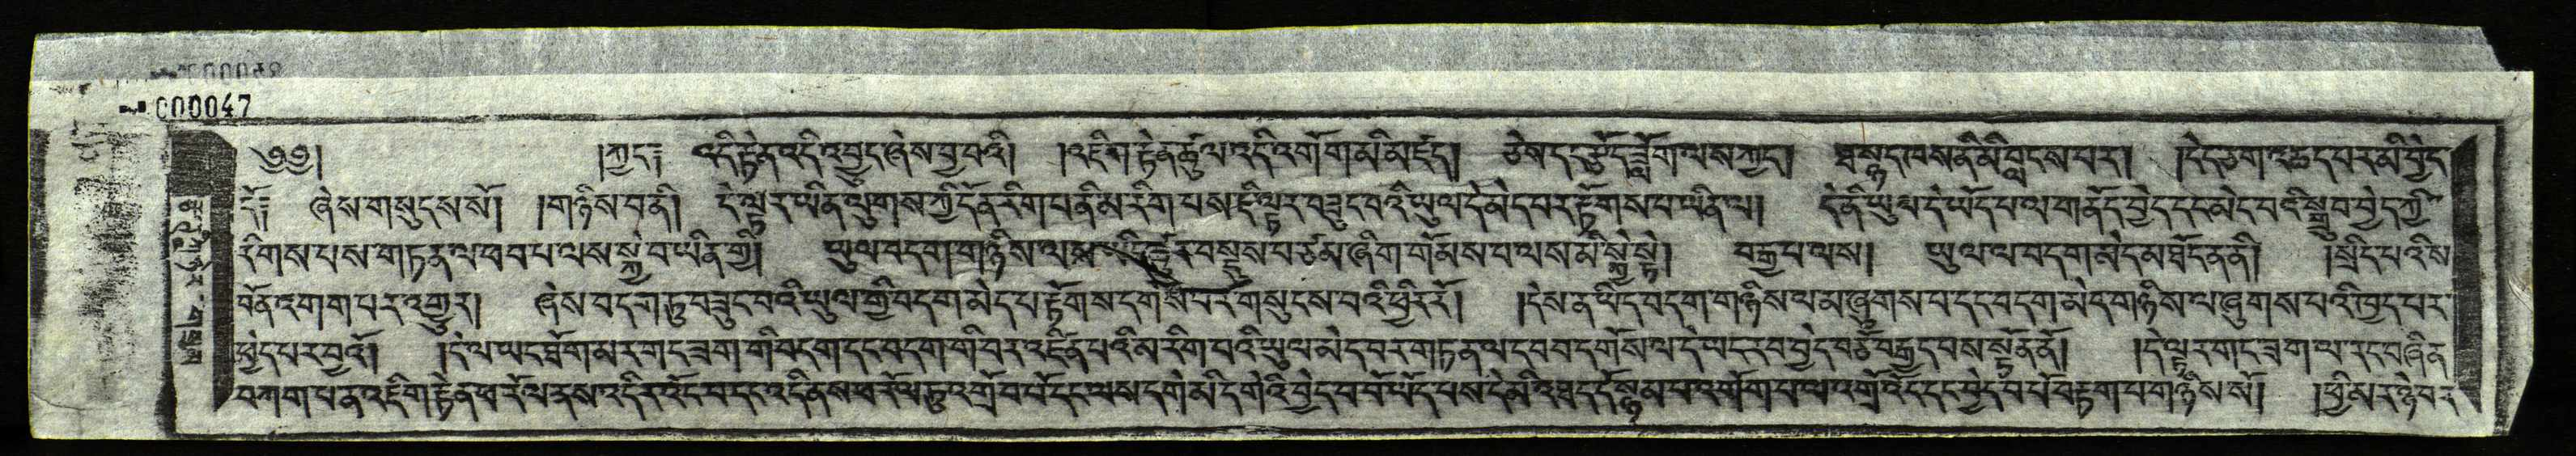༄༅། །ཀྱང༑ འདི་རྟེན་འདི་འབྱུང་ཞེས་བྱ་བའི། །འཇིག་རྟེན་ཚུལ་འདི་འགོག་མི་མཛད། ཅེས་དང་རྩོད་ཟློག་ལས་ཀྱང་། ཐ་སྙད་ཁས་ནི་མི་བླངས་བར། །ངེད་ཅག་འཆད་པར་མི་བྱེད་
དོ༑ ཞེས་གསུངས་སོ། །གཉིས་བ་ནི། དེ་ལྟར་ཡིན་ལུགས་ཀྱི་དོན་རིག་པ་ནི་མ་རིག་པས་ཇི་ལྟར་བཟུང་བའི་ཡུལ་དེ་མེད་པར་རྟོགས་པ་ཡིན་ལ། དེ་ནི་ཡུལ་དེ་ཡོད་པ་ལ་གནོད་བྱེད་དང་མེད་པའི་སྒྲུབ་བྱེད་ཀྱི་
རིགས་པས་གཏན་ལ་ཕབ་པ་ལས་སྐྱེ་བ་ཡིན་གྱི། ཡུལ་བདག་གཉིས་ལས་ཡིད་ཚུར་བསྡུས་པ་ཙམ་ཞིག་གོམས་པ་ལས་མི་སྐྱེ་སྟེ། བརྒྱ་པ་ལས། ཡུལ་ལ་བདག་མེད་མཐོང་ན་ནི། །སྲིད་པའི་ས་
བོན་འགག་པར་འགྱུར། ཞེས་བདག་ཏུ་བཟུང་བའི་ཡུལ་གྱི་བདག་མེད་པ་རྟོགས་དགོས་པར་གསུངས་པའི་ཕྱིར་རོ། །དེས་ན་ཡིད་བདག་གཉིས་ལ་མ་ཞུགས་པ་དང་བདག་མེད་གཉིས་ལ་ཞུགས་པའི་ཁྱད་པར་
ཕྱེད་པར་བྱའོ། །དེ་ལ་ཡང་ཐོག་མར་གང་ཟག་གི་བདག་དང་བདག་གི་བར་འཛིན་པའི་མ་རིག་པའི་ཡུལ་མེད་པར་གཏན་ལ་དབབ་དགོས་ལ་དེ་ཡང་རབ་བྱེད་བཅོ་བརྒྱད་བས་སྟོན་ནོ། །དེ་ལྟར་གང་ཟག་ལ་རང་བཞིན་
བཀག་པ་ན་འཇིག་རྟེན་ཕ་རོལ་ནས་འདིར་འོང་བ་དང་འདི་ནས་ཕ་རོལ་ཏུ་འགྲོ་བ་པོ་དང་ལས་དགེ་མི་དགེའི་བྱེད་པ་པོ་ཡོད་པས་དེ་མི་འཐད་དོ་སྙམ་པ་འགོག་པ་ལ་འགྲོ་འོང་དང་བྱེད་པ་པོ་བརྟག་པ་གཉིས་སོ། །ཕྱི་མར་ཉེ་བར་